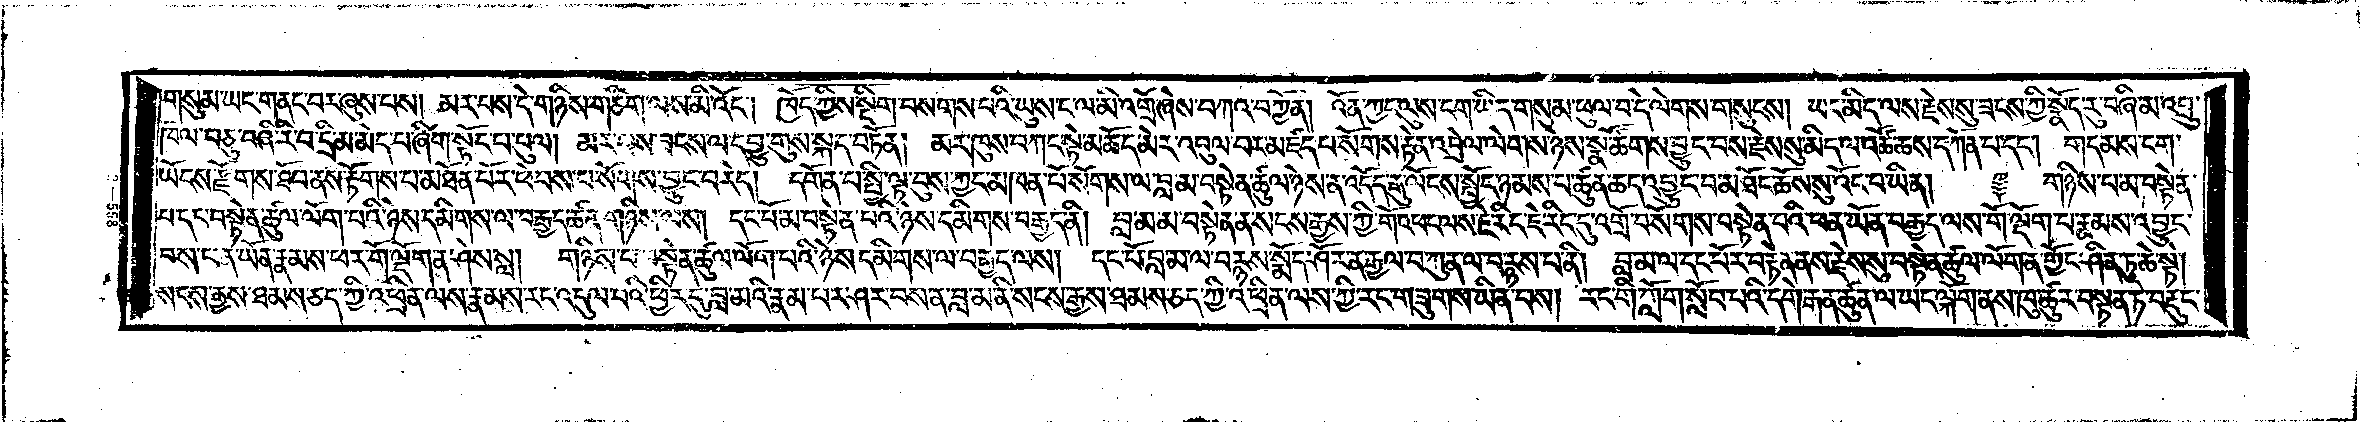གསུམ་ཡང་གནང་བར་ཞུས་པས། མར་པས་དེ་གཉིས་གཅིག་ལས་མི་འོང་། ཁྱོད་ཀྱིས་སྡིག་བསགས་བའི་ཡུས་ང་ལ་མི་འགྲོ་ཞེས་བཀའ་བཀྱོན། འོན་ཀྱང་ལུས་ངག་ཡིད་གསུམ་ཕུལ་བ་དེ་ལེགས་གསུངས། ཡང་མིད་ལས་རྗེས་སུ་ཟངས་ཀྱི་སྣོད་རུ་བཞི་མ་འབྲུ་
ཁོལ་བཅུ་བཞི་རི་བ་དྲི་མ་མེད་པ་ཞིག་སྟོང་པ་པུལ། མར་པས་ཟངས་ལ་དབྱུ་གུས་སྐད་བཏོན། མར་ཁུས་བཀང་སྟེ་མཆོད་མེར་འབུལ་བར་མཛད་པ་སོགས་རྟེན་འབྲེལ་ལེགས་ཉེས་སྣ་ཚོགས་བྱུང་བས་རྗེས་སུ་མིད་ལ་འཚོ་ཆས་དཀོན་པ་དང་། གདམས་ངག་
ཡོངས་རྫོགས་ཐོབ་ནས་རྟོགས་པ་མཐོན་པོར་ཕེབས་པ་སོགས་བྱུང་བ་རེད། དགོན་པ་སྤྱི་ལྟ་བུས་ཀྱང་མཁན་པོ་སོགས་ལ་བླ་མ་བསྟེན་ཚུལ་ཉེས་ན་འདོད་རྒུ་ལོངས་སྤྱོད་ཉམས་པ་ཚུན་ཆད་འབྱུང་བ་མཐོང་ཆོས་སུ་འོང་བ་ཡིན། ༈ གཉིས་པ་མ་བསྟེན་
པ་དང་བསྟེན་ཚུལ་ལོག་པའི་ཉེས་དམིགས་ལ་བརྒྱད་ཚན་གཉིས་ལས། དང་པོ་མ་བསྟེན་པའི་ཉེས་དམིགས་བརྒྱད་ནི། བླ་མ་མ་བསྟེན་ན་སངས་རྒྱས་ཀྱི་གོ་འཕང་ལས་རྗེ་རིང་ཇེ་རིང་དུ་འགྲོ་བ་སོགས་བསྟེན་བའི་ཕན་ཡོན་བརྒྱད་ལས་གོ་ལྡོག་པ་རྣམས་འབྱུང་
བས་ཕན་ཡོན་རྣམས་ཕར་གོ་ལྡོག་ན་ཤེས་སླ། གཉིས་པ་བསྟེན་ཚུལ་ལོག་པའི་ཉེས་དམིགས་ལ་བརྒྱད་ལས། དང་པོ་བླ་མ་ལ་བརྙས་སྨོད་ཤོར་ན་རྒྱལ་བ་ཀུན་ལ་བརྙས་པ་ནི། བླ་མ་ལ་དང་པོར་བརྟེན་ནས་རྗེས་སུ་བསྟེན་ཚུལ་ལོག་ན་གྱོང་ཤིན་ཏུ་ཆེ་སྟེ།
སངས་རྒྱས་ཐམས་ཅད་ཀྱི་འཕྲིན་ལས་རྣམས་རང་འདུལ་བའི་ཕྱིར་དུ་བླ་མའི་རྣམ་པར་ཤར་བས་ན་བླ་མ་ནི་སངས་རྒྱས་ཐམས་ཅད་ཀྱི་འཕྲིན་ལས་ཀྱི་རང་གཟུགས་ཡིན་པས། རང་གི་གློག་སློབ་པའི་དགེ་རྒན་ཚུལ་ལ་ཡང་ལྐོག་ནས་ཁུ་ཚུར་བསྟན་ཏེ་བརྡུང་